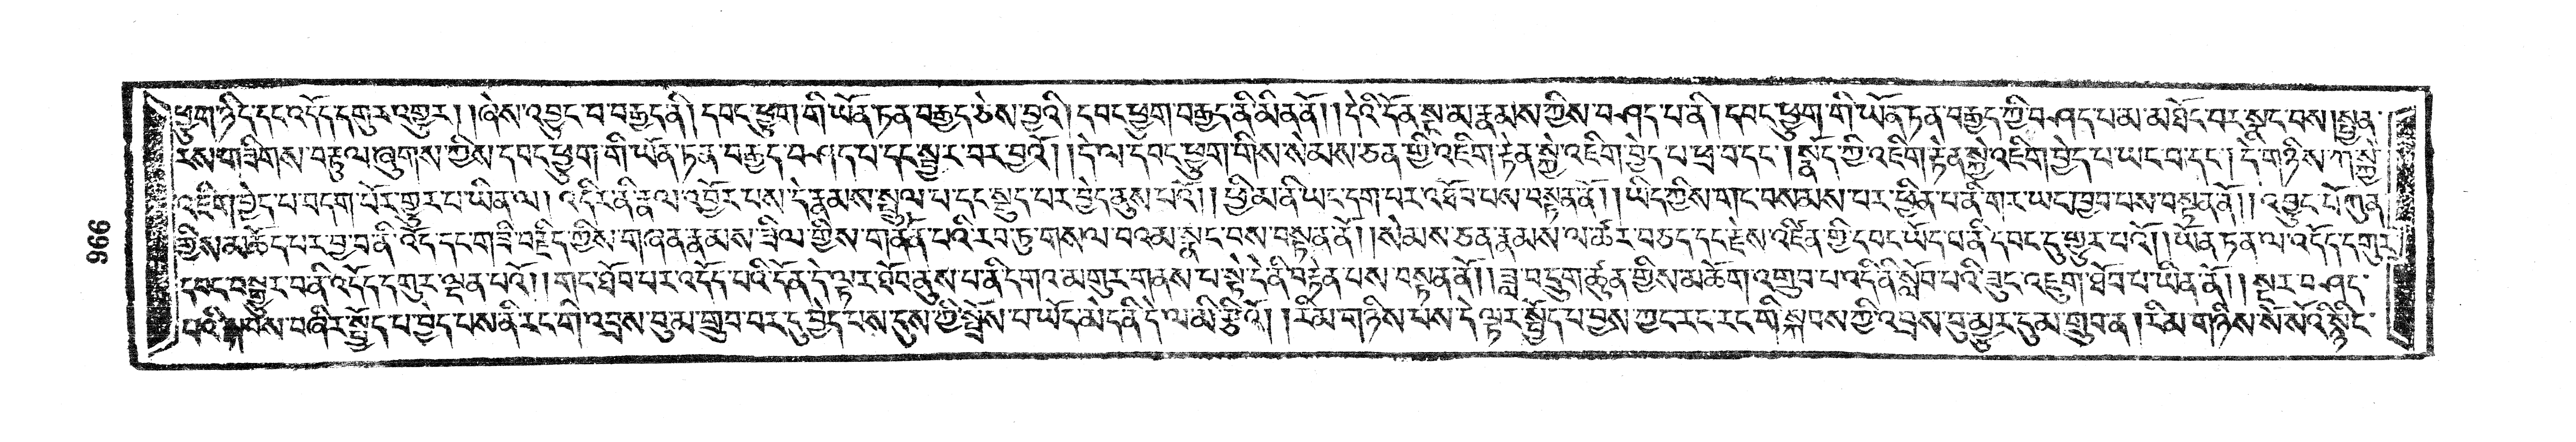ཕྱུག་ཉིད་དང་འདོད་དགུར་འགྱུར། །ཞེས་འབྱུང་བ་བརྒྱད་ནི། དབང་ཕྱུག་གི་ཡོན་ཏན་བརྒྱད་ཅེས་བྱའི། དབང་ཕྱུག་བརྒྱད་ནི་མིན་ནོ། །དེའི་དོན་སྔ་མ་རྣམས་ཀྱིས་བཤད་པ་ནི། དབང་ཕྱུག་གི་ཡོན་ཏན་བརྒྱད་ཀྱི་བཤད་པ་མ་མཐོང་བར་སྣང་བས། སྤྱན་
རས་གཟིགས་བརྟུལ་ཞུགས་ཀྱིས་དབང་ཕྱུག་གི་ཡོན་ཏན་བརྒྱད་བཤད་པ་དང་སྦྱར་བར་བྱའོ། །དེ་ལ་དབང་ཕྱུག་གིས་སེམས་ཅན་གྱི་འཇིག་རྟེན་སྐྱེ་འཇིག་བྱེད་པ་ཕྲ་བ་དང་། སྣོད་ཀྱི་འཇིག་རྟེན་སྐྱེ་འཇིག་བྱེད་པ་ཡང་བ་དང་། དེ་གཉིས་ཀ་སྐྱེ་
འཇིག་བྱེད་པ་བདག་པོར་གྱུར་པ་ཡིན་ལ། འདིར་ནི་རྣལ་འབྱོར་པས་དེ་རྣམས་སྤྲུལ་པ་དང་སྡུད་པར་བྱེད་ནུས་པའོ། །ཕྱི་མ་ནི་ཡང་དག་པར་འཐོབ་པས་བསྟན་ནོ། །ཡིད་ཀྱིས་གང་བསམས་པར་ཕྱིན་པ་ནི་གར་ཡང་ཁྱབ་པས་བསྟན་ནོ། །འབྱུང་པོ་ཀུན་
གྱིས་མཆོད་པར་བྱ་བ་ནི་འོད་དང་གཟི་བརྗིད་ཀྱིས་གཞན་རྣམས་ཟིལ་གྱིས་གནོན་པའི་རབ་ཏུ་གསལ་བའམ་སྣང་བས་བསྟན་ནོ། །སེམས་ཅན་རྣམས་ལ་ཚར་བཅད་དང་རྗེས་འཛིན་གྱི་དབང་ཡོད་པ་ནི་དབང་དུ་གྱུར་པའོ། །ཡོན་ཏན་ལ་འདོད་དགུར་
དབང་བསྒྱུར་བ་ནི་འདོད་དགུར་ལྡན་པའོ། །གང་ཐོབ་པར་འདོད་པའི་དོན་དེ་ལྟར་ཐོབ་ནུས་པ་ནི་དགའ་མགུར་གནས་པ་སྟེ་དེ་ནི་བརྟེན་པས་བསྟན་ནོ། །ཟླ་བ་དྲུག་ཚུན་གྱིས་མཆོག་འགྲུབ་པ་འདི་ནི་སློབ་པའི་ཟུང་འཇུག་ཐོབ་པ་ཡིན་ནོ། །སྔར་བཤད་
པའི་སྐབས་བཞིར་སྤྱོད་པ་བྱེད་པས་ནི་རང་གི་འབྲས་བུ་མ་གྲུབ་པར་དུ་བྱེད་པས་དུས་ཀྱི་སྤྲོས་པ་ཡོད་མེད་ནི་དེ་ལ་མི་རྩིའོ། །རིམ་གཉིས་པས་དེ་ལྟར་སྤྱོད་པ་བྱས་ཀྱང་རང་རང་གི་སྐབས་ཀྱི་འབྲས་བུ་མྱུར་དུ་མ་གྲུབ་ན། རིམ་གཉིས་སོ་སོའི་སྙིང་